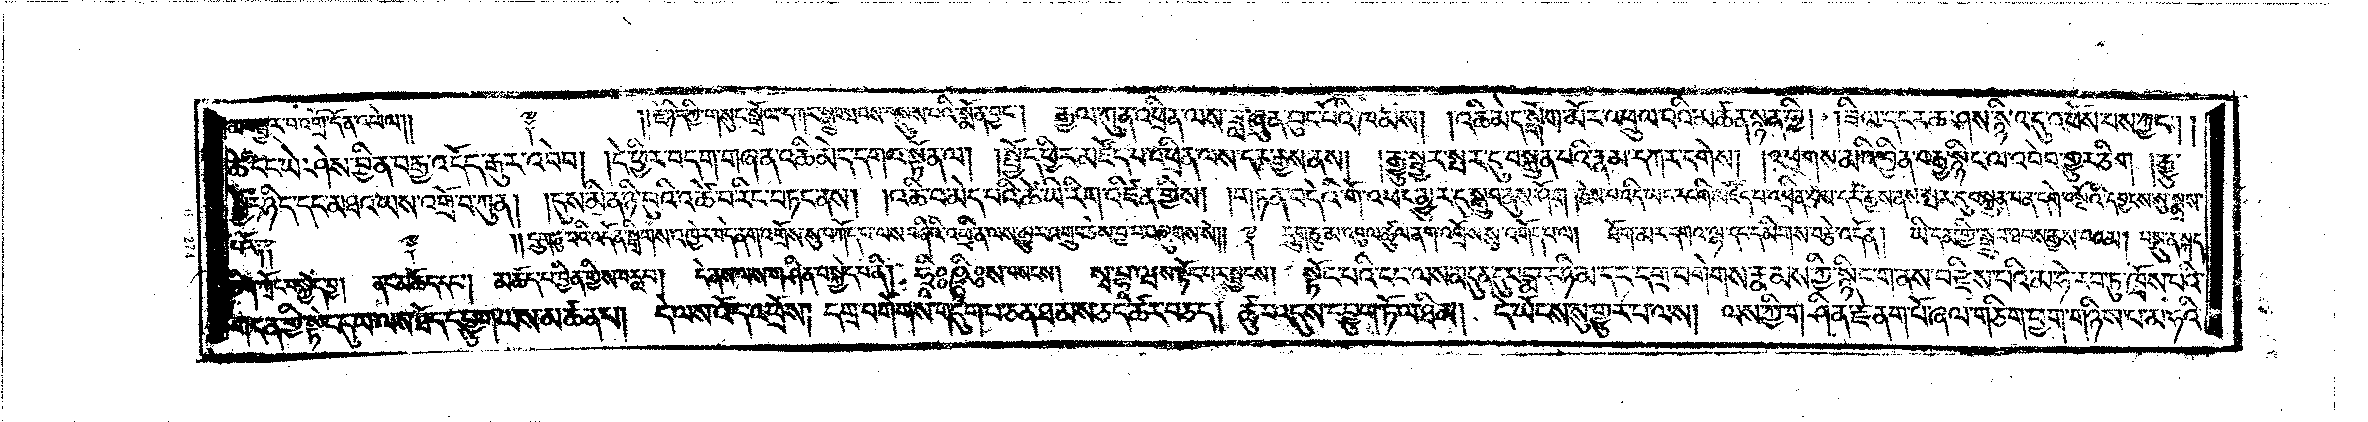མ་སྦྱར་བ་འགྲོ་དོན་འཕེལ།། ༈ །།རྗེ་ཉིད་ཀྱི་གསུང་སྒྲོལ་དཀར་སྒྲུབ་ཐབས་བསྡུས་པའི་སྨོན་བྱང་། རྒྱལ་ཀུན་འཕྲིན་ལས་ཟླ་ཞུན་བུང་པོའི་ཁམས། །འཆི་མེད་སྒོག་མོར་འཕྲུལ་བའི་མཚན་སྙན་གྱི། །ཟིལ་དངར་ཆ་ཤས་སྙིང་འདུ་འཕོས་པས་ཀྱང་། །
ཚེ་དང་ཡེ་ཤེས་བྱིན་བརྒྱ་འདོད་རྒུར་འབེབ། །དེ་ཕྱིར་བདག་གཞན་འཆི་མེད་དགའ་སྟོན་ལ། །སྤྱོད་ཕྱིར་མཛོད་པ་འཕྲིན་ལས་དར་རྒྱས་ནས། །རྒྱུ་སྦྱར་སྤར་དུ་བསྐྲུན་པའི་རྣམ་དཀར་དགེས། །འཕྲགས་མའི་བྱིན་བརྒྱ་སྙིང་ལ་འབེབས་གྱུར་ཅིག །རྒྱུ་
སྦྱོར་ཉིད་དང་མཐའ་ཡས་འགྲོ་བ་ཀུན། །དུས་མིན་ཉི་བུའི་འཚེ་བ་རིང་བཏང་ནས། །འཆི་བ་མེད་པའི་ཚེ་ཡི་རིགས་འཛིན་གྱིས། །གཏན་བདེའི་གོ་འཕང་མྱུར་དུ་སྒྲུབ་ནུས་ཤོག །ཅེས་པ་འདི་ཡང་རང་གི་འཛོད་པ་འཕྲིན་ལས་དར་རྒྱས་ནས་སོ་པར་དུ་བསྐྲུན་པ་ན་དགེ་བསྔོའི་དབྱངས་སུ་སྨྲས་
པའོ༑༑ ༈ ༑༑དྲུག་ཅུ་བའི་འདོན་སྒྲིགས་འཁྱེར་བདེ་ནག་འགྲོས་སུ་བཀོད་པ་ལས་བཞིའི་འཕྲིན་ལས་མྱུར་འགྲུབ་ཅེས་བྱ་བ་བཞུགས་སེ།། ༈ །།དྲུག་ཅུ་མ་འབུལ་ཚུལ་ནག་འགྲོས་སུ་འགོད་པ་ལ། ཐོག་མར་དགའ་ལྷ་དང་དམིགས་བརྩེ་འདོན། ཡི་དམ་གྱི་སྒྲུབ་ཐབས་རྒྱས་བསམ། བསྡུན་སྐད་
གོ་ཀྲོང་བསྐྱེད་བྱ། ནང་མཆོད་དང་། མཆོད་པ་བྱིན་གྱིས་བརླབ། དེ་ནས་ལས་གཤིན་བསྐྱེད་པ་ནི། ཧྲཱིཿ ཥྭཱིཿ ས་བསངས། སྭ་བྷ་ཝས་སྟོང་པར་སྦྱངས། སྟོང་པའི་ངང་ལས་མདུན་དུ་པདམ་དང་ཉི་མ་དང་དགྲ་བགེགས་རྣམས་ཀྱི་སྙིང་གནས་བརྫིས་པའི་མ་ཧེ་རབ་ཏུ་ཁྲོས་པའི་
གདན་གྱི་སྟེང་དུ་ཡ་ལས་ཐོད་དབྱུག་ལས་མཚན་པ། དེ་ལས་འོད་འཕྲོས། དགྲ་བགོགས་གདུག་པ་ཅན་ཐམས་ཅད་ཚར་བཅད། ཚུར་འདུས་དབྱུག་ཏོ་ལ་ཐིམ། དེ་ཡོངས་སུ་གྱུར་པ་ལས། ལས་ཀྱིས་གཤིན་རྗེ་ནག་པོ་ཞལ་གཅིག་ཕྱག་གཉིས་པ་མ་ཧའི་